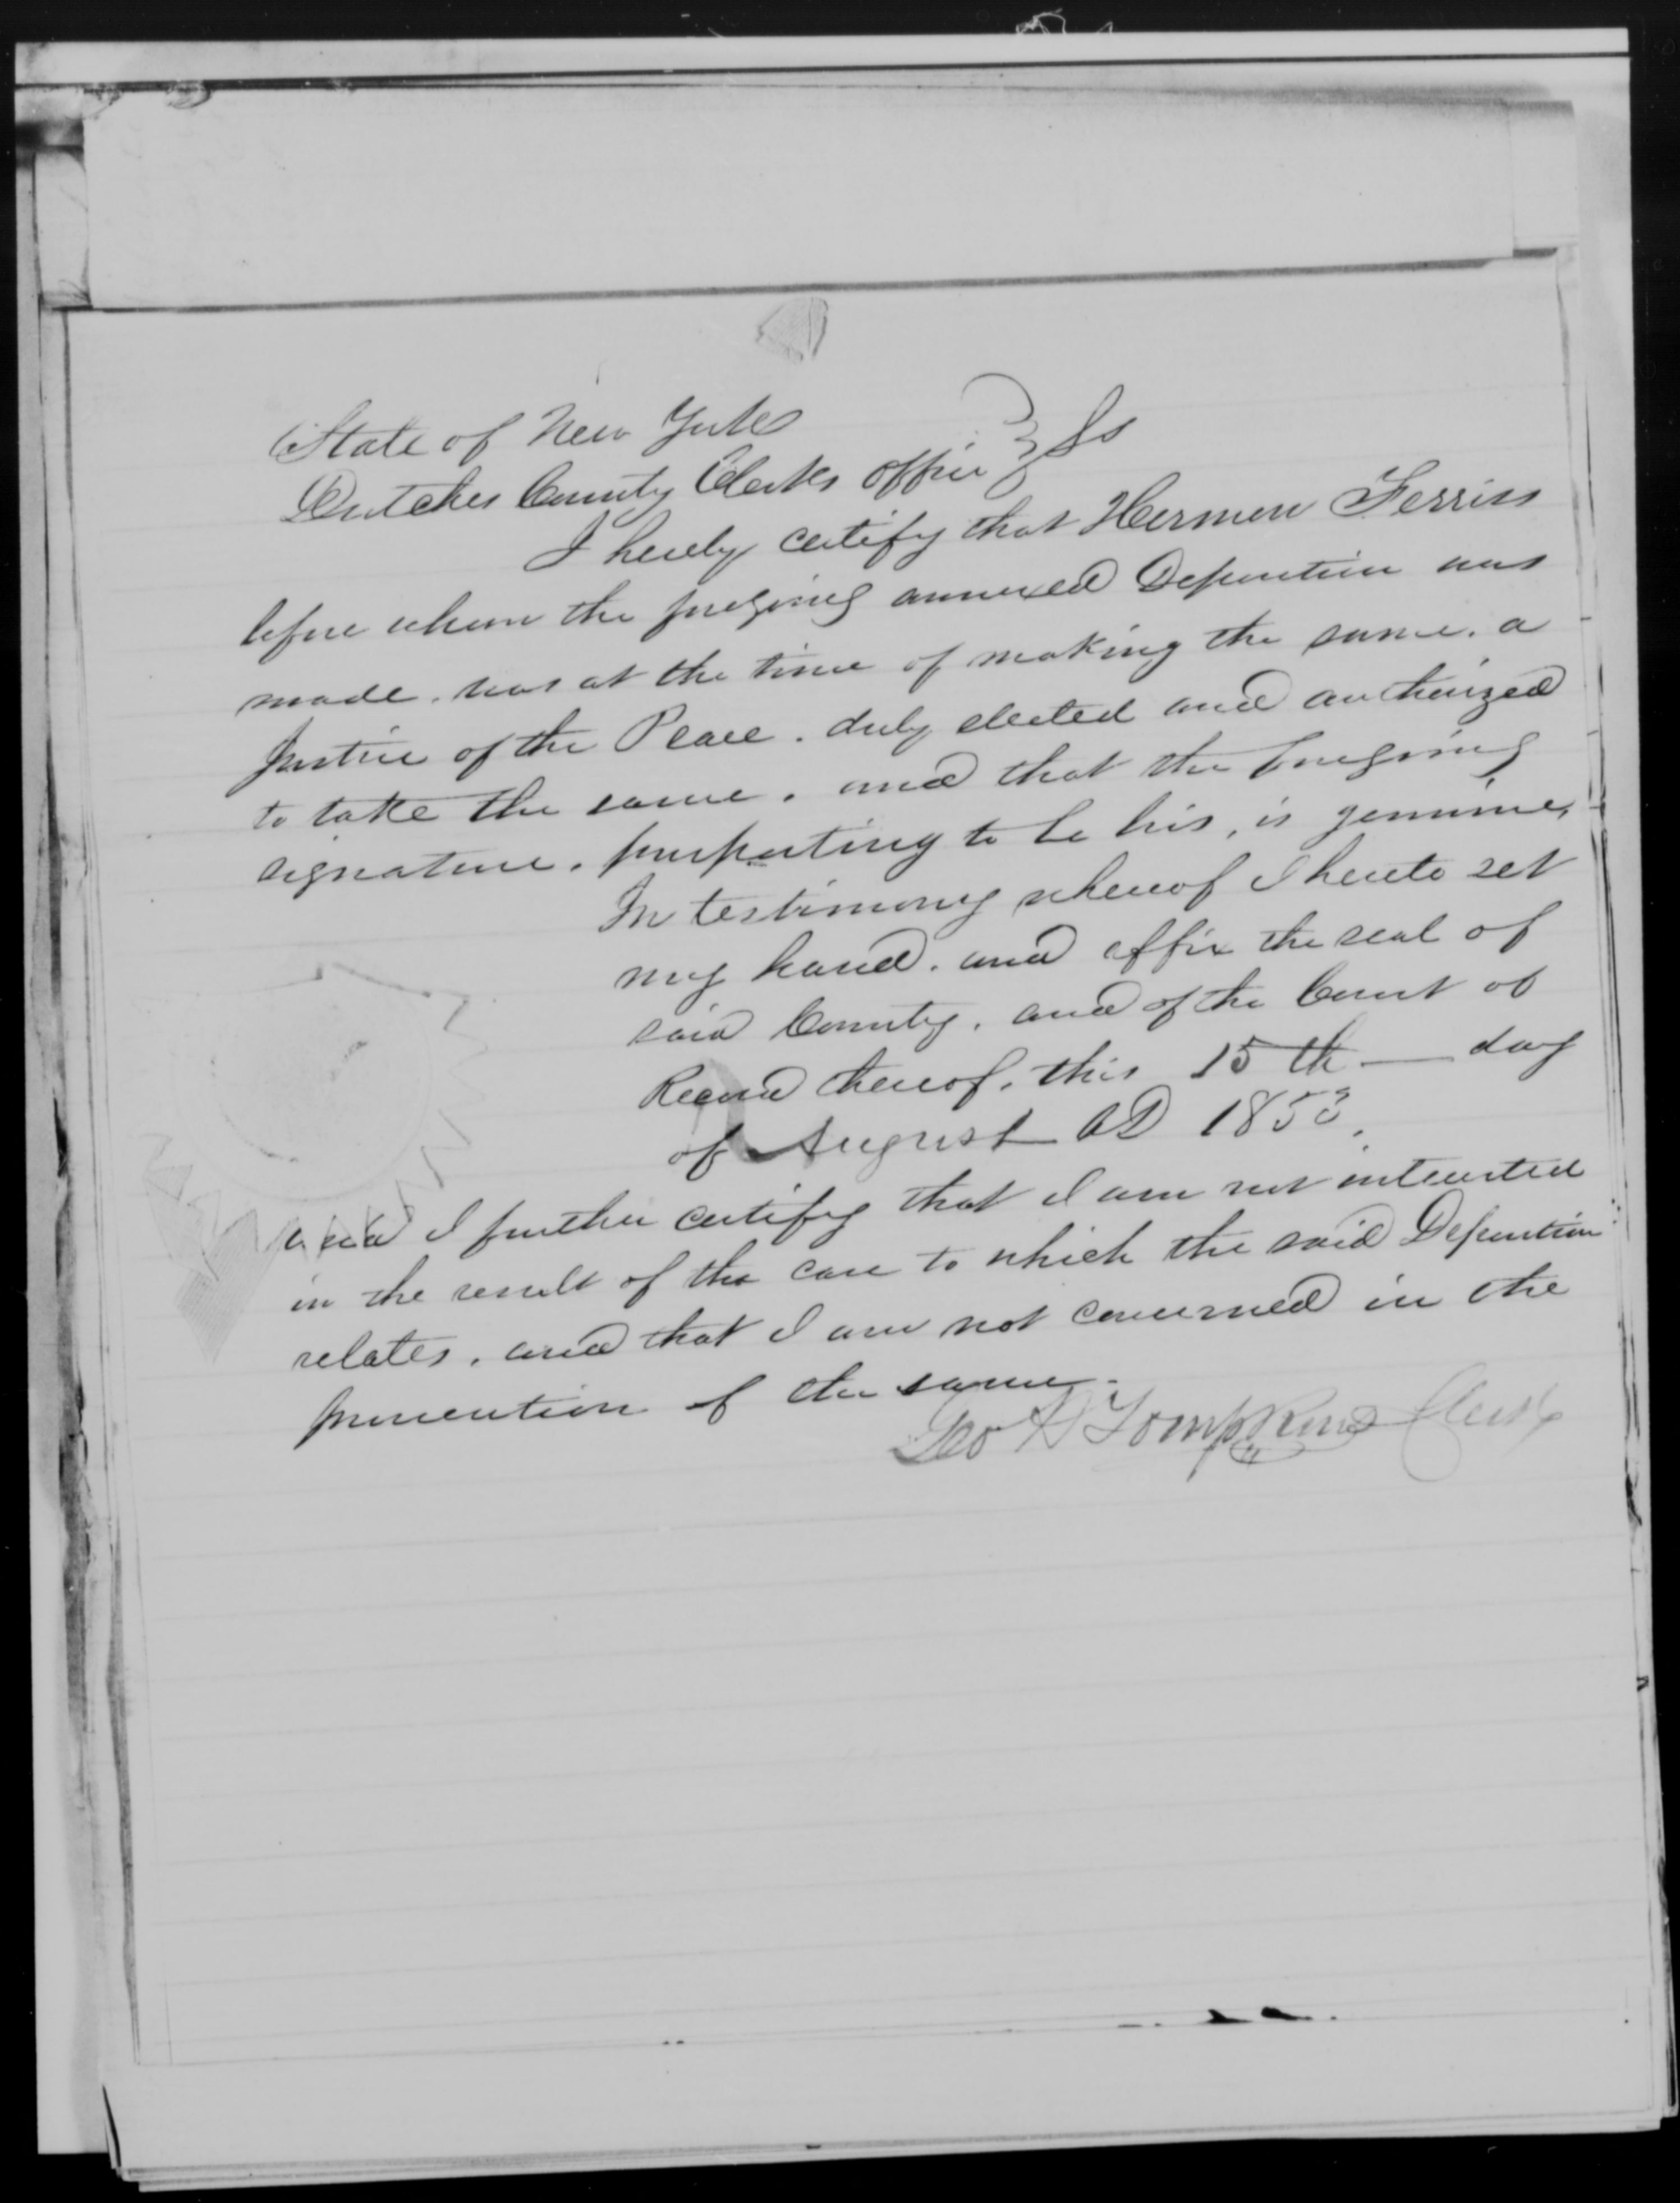State of New York
Dutches County Clerks Office Ss   I hereby certify that Herman Ferriss before whom the foregoing annexed Deposition and made was at the time of making the same, a Justice of the Peace, duly elected and authorized to take the same, and that the forgoing signature. purporting to be his, is genuine, 
In testimony whereof I hereto set my hand and affix the seal of said County, and of the Court of Record thereof, this 15th day of August AD 1853 and I further certify that I am not interested in the result of the case to which the said Deposition relates, and that I am not concerned in the prosecution of the same.
Geo H Tompkins Clerk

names: Herman Ferriss, Geo H Tompkins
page: 12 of 77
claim: widow's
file: W. 19658, John Woodin, New York